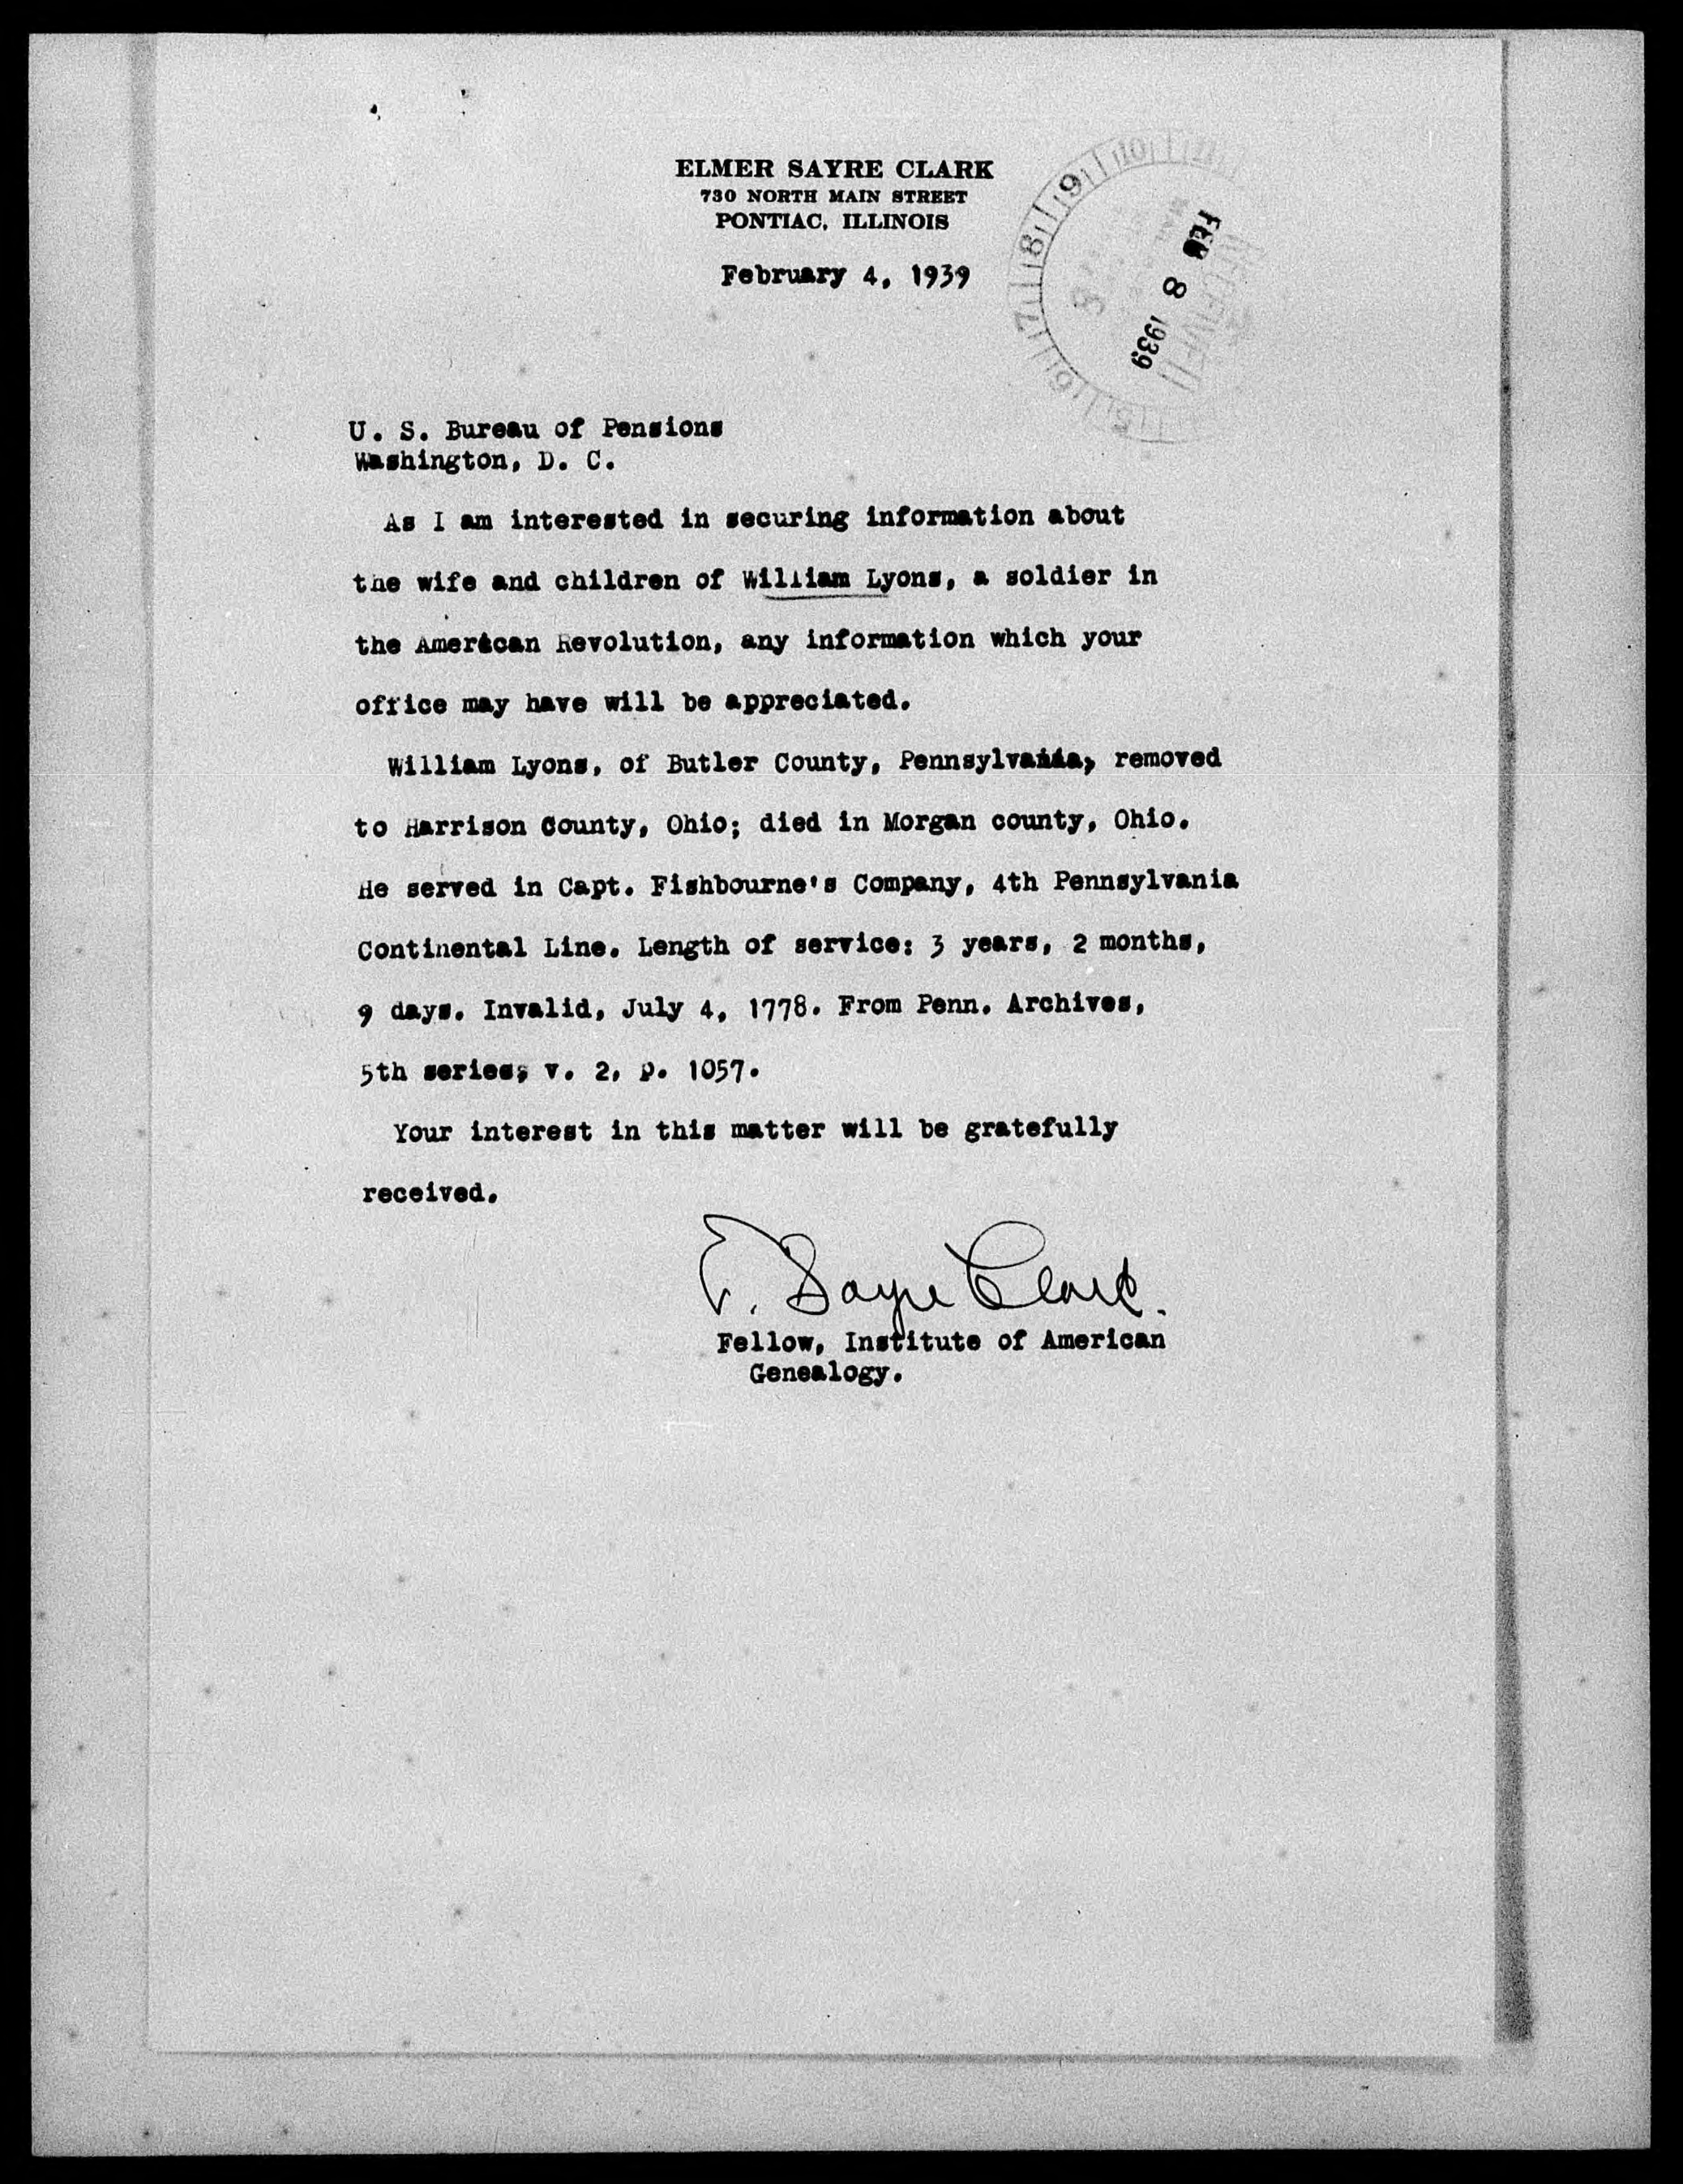ELMER SAYRE CLARK
730 North Main Street
PONTIAC, IILLINOIS\
February 4, 1939
U.S. Bureau of Pensions
Washington, d.C.
as I am interested in securing information about the wife and children of William Lyons, a soldier in the American Revolution, any information which your office may have will be appreciated. 
William Lyons, of Butler county, Pennsylvania, removed to Harrison County, Ohio; died in Morgan county, Ohio, He served in Capt. Fishbourne's Company, 4th Pennsylvania Continental Line. Length of service: 3 years, 2 months, 9 days. invalid, July 4, 1778. From Penn. Archives, 5th series, V.s, 9. 1057
Your interest in this matter will be great fully received. 
E. Sayne Clark
Fellow, Institute of American Genealogy.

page: 25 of 41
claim: survivor's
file: S. 4585, for William Lyons, Pennsylvania